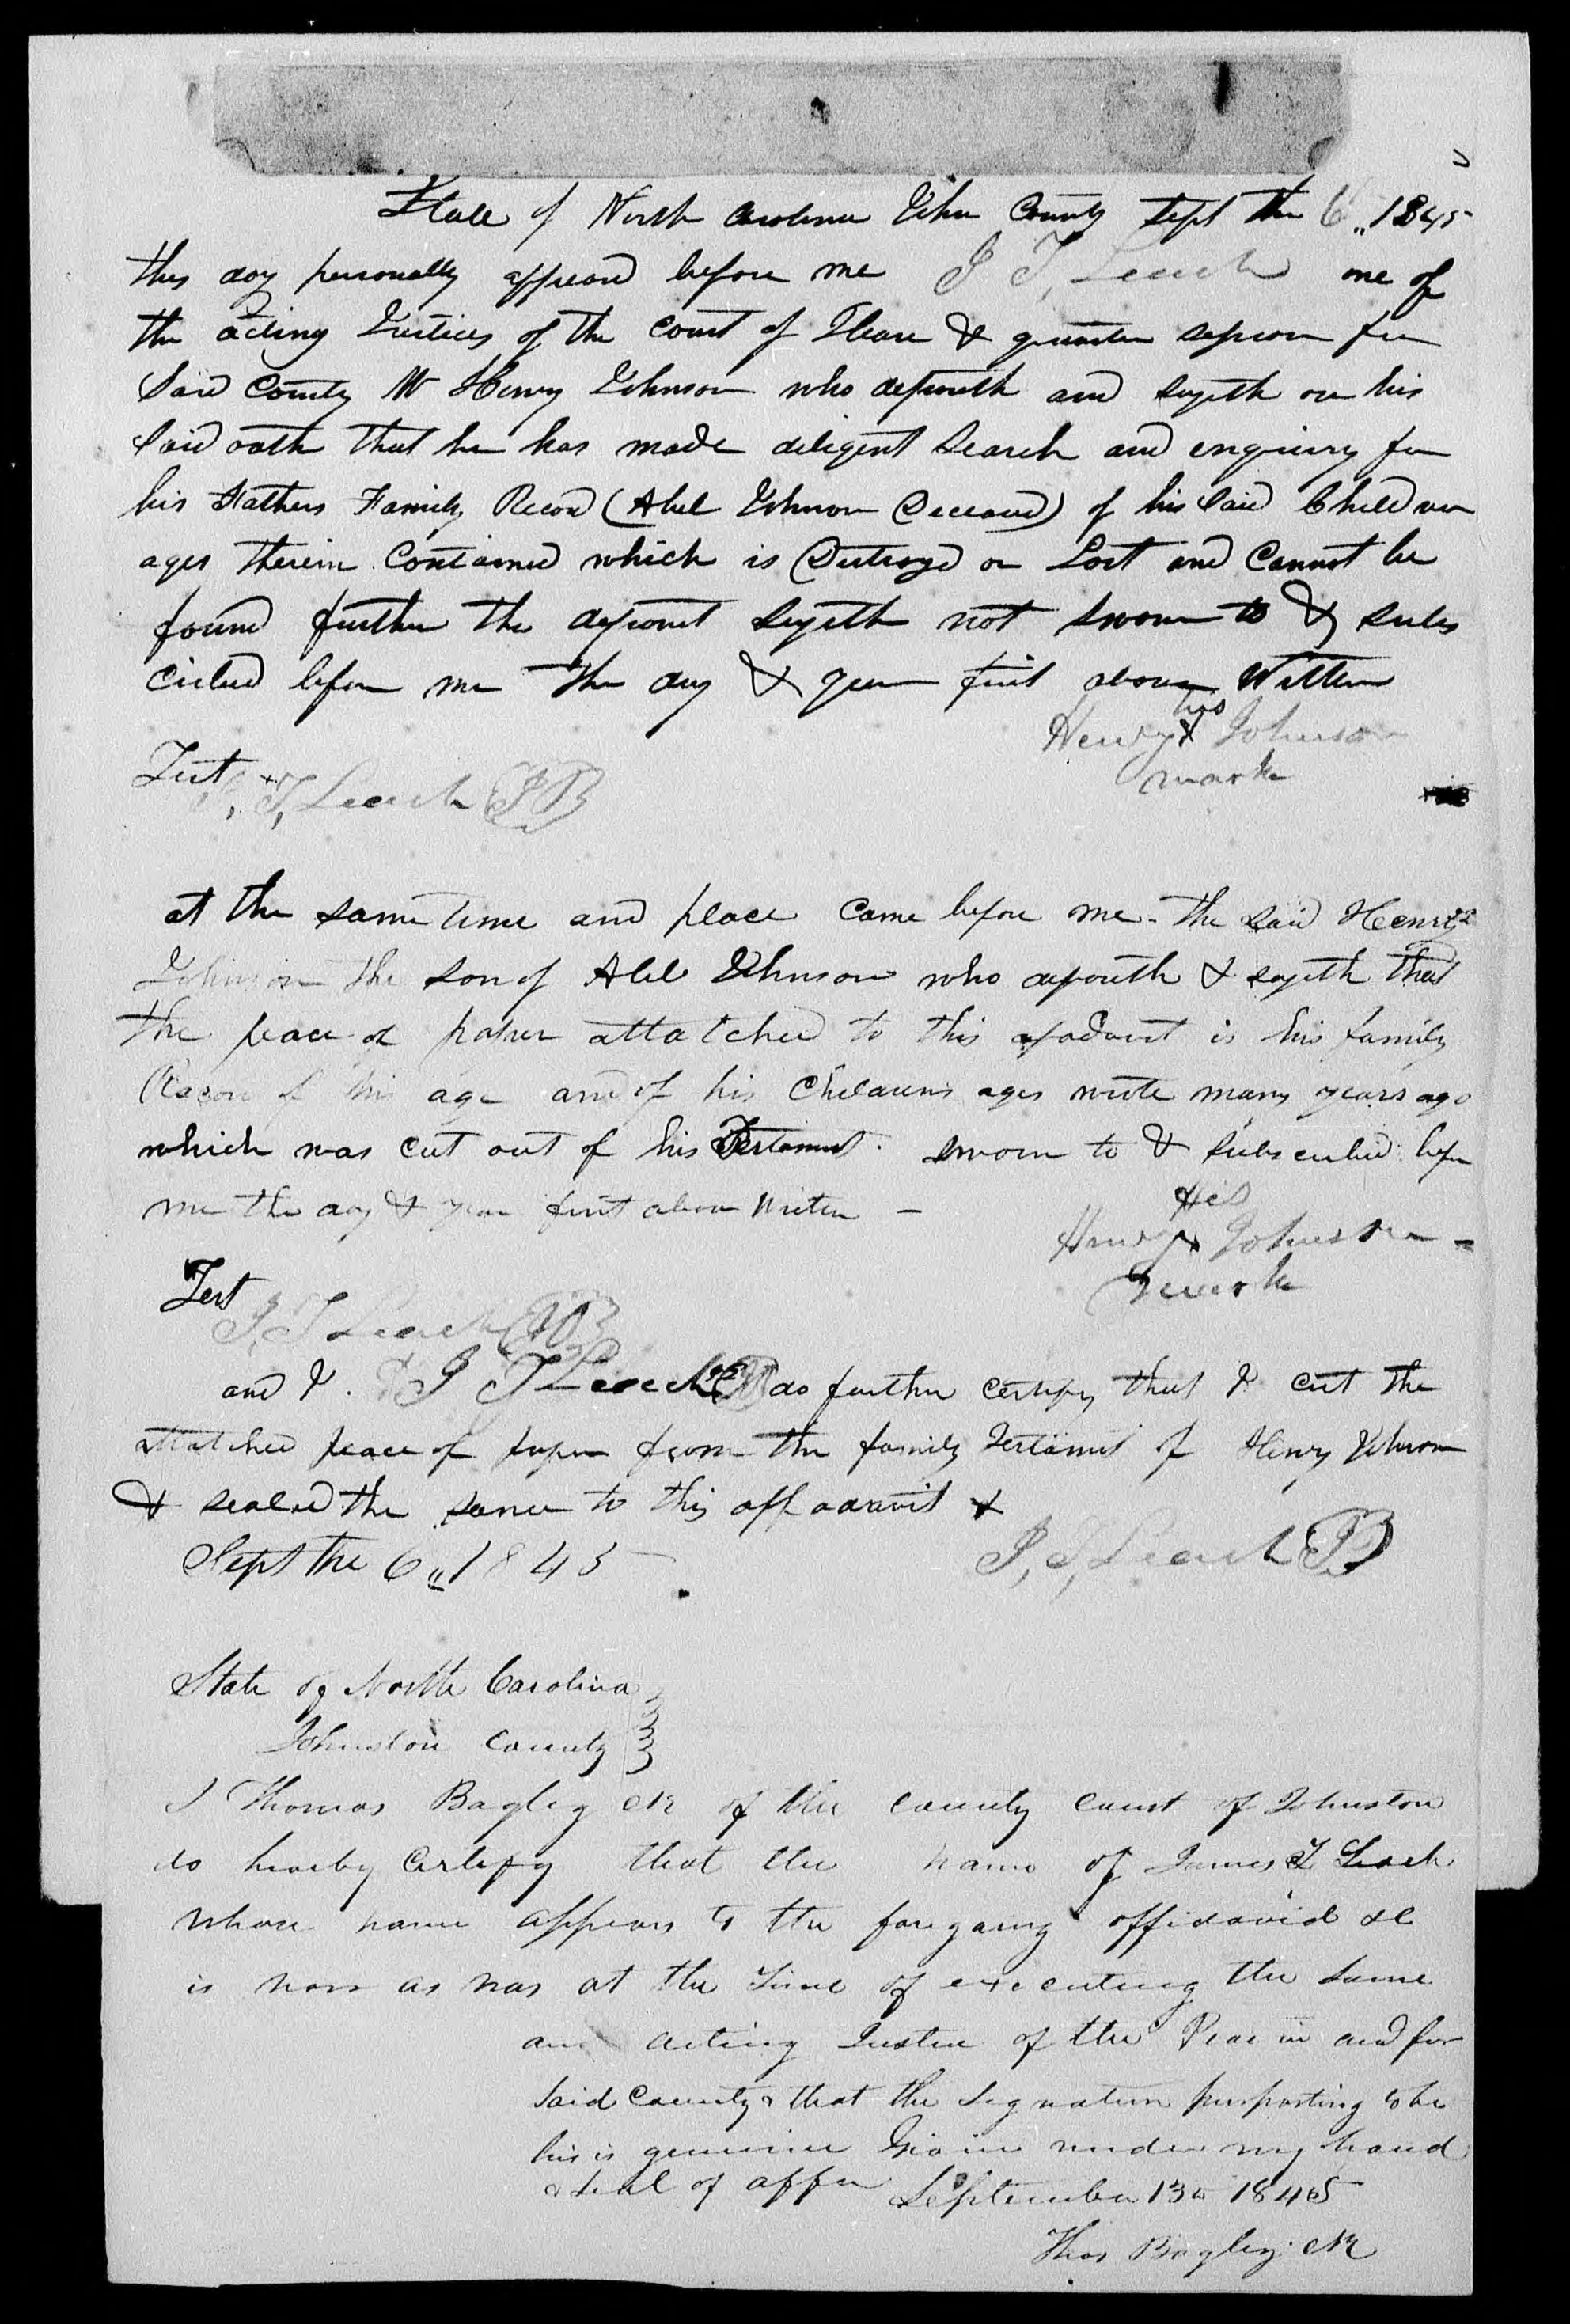State of North Carolina Johnston County September 6, 1845   this day personally appeared before me, J L Leach, one of the acting Justices of the Court of Pleas and Quarter Sessions for said County, Mr. Henry Johnson who deposeth and sayeth on his said oath that he has made diligent search and inquiry from his brother’s family record (Abel Johnson, deceased) of his said Children ages therein contained which is destroyed or lost and cannot be found further the deponent sayeth not.  Sworn to and subscribed before me this day and year first above written.  Henry Johnson his mark   Test  J L Leach [JP]     
At the same time and place came before me, the said Henry Johnson in the son of Abel Johnson who deposeth and sayeth that the that the peace of paper attached to this affidavit is his family record of his age and of his children’s ages wrote many years ago which was cut out of his Testament.  Henry Johnson his mark  Test  J L Leach  [JP]   
 And I J L Leach [JP] do further certify that I cut the attached peace of paper from the family Testament of Henry Johnson and sealed the same to this affidavit. J L Leach, [JP]      September 6, 1845 State of North Carolina Johnston County I, Thomas Bagley, Clerk of the County of Court of Johnston do hereby certify that James L. Leach, whose name appears to the foregoing affidavit, is now and was at the time of the executing the same an acting Justice of the Peace in and for said County that the signature purporting to be his is genuine. Given under my hand and seal of office September 13, 1845. Thomas Bagley, Clerk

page: 6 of 74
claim: rejected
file: R. 5600, for Abel Johnson, North Carolina